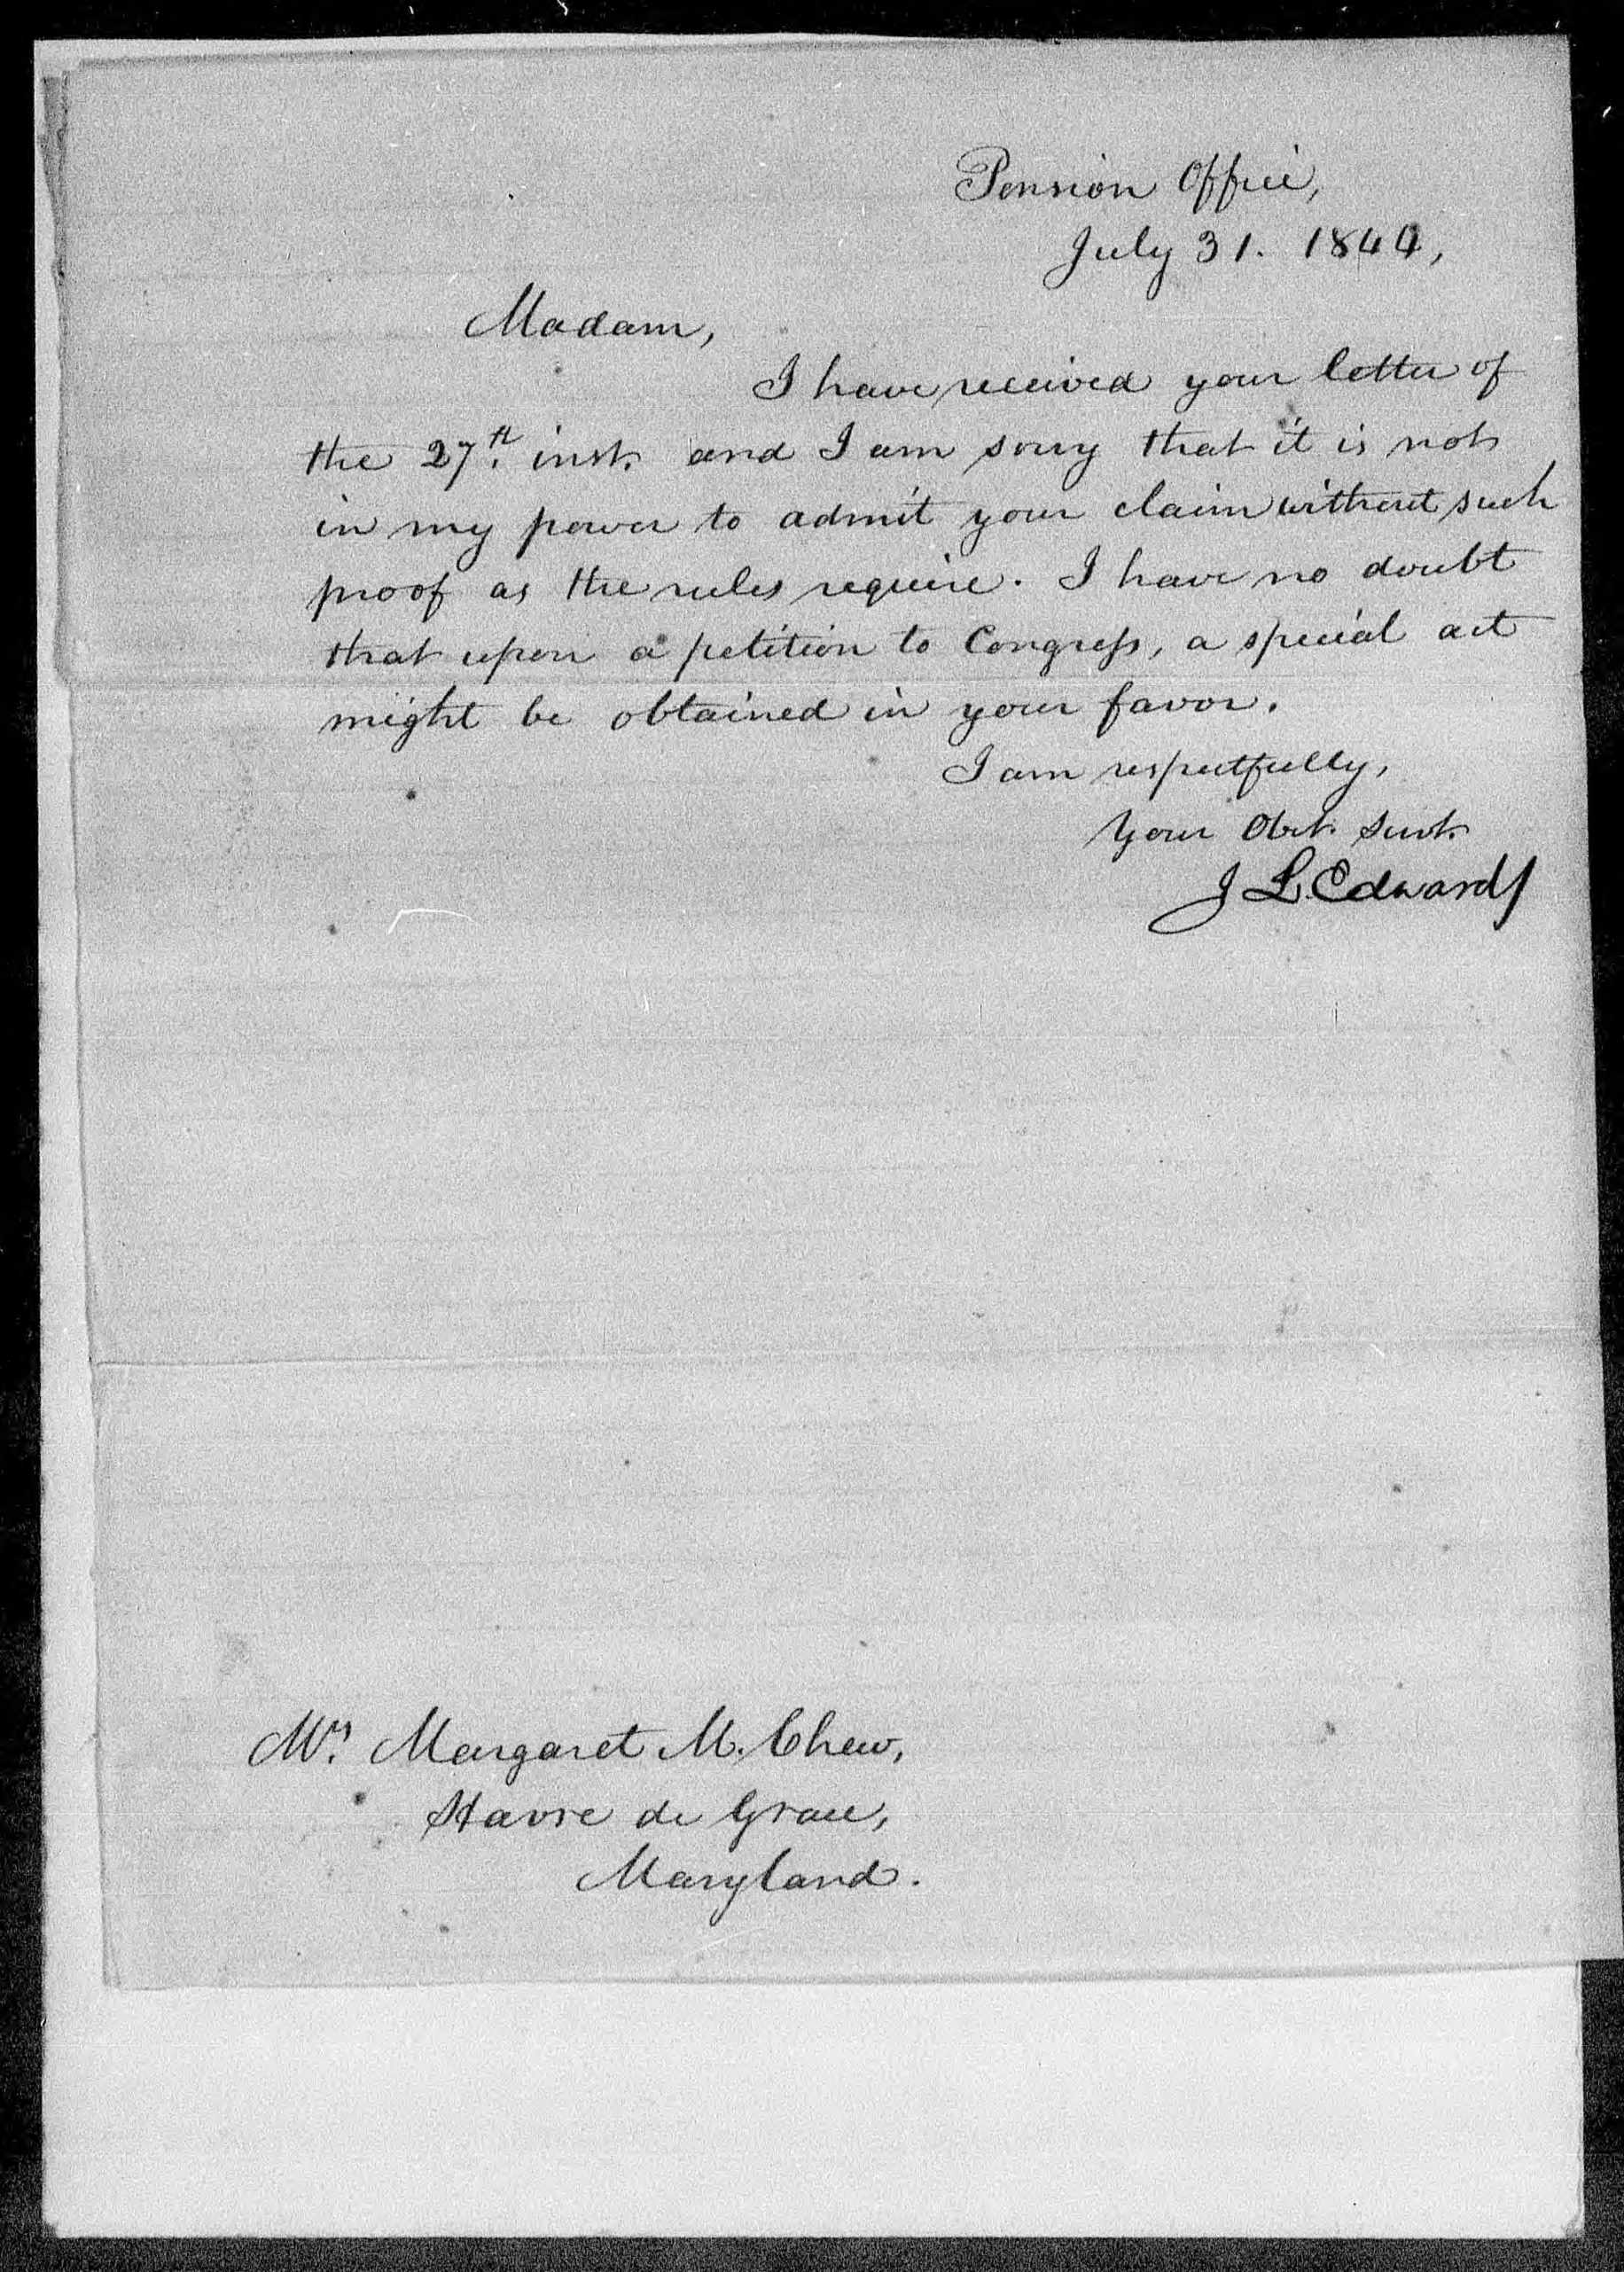Pension Office,
July 31. 1844

Madam,

I have received your letter of
the 27th inst. and I am sorry that it is not
in my power to admit your claim without such
proof as the rules require.  I have no doubt
that upon a petition to Congress, a special act
might be obtained in your favor.

I am respectfully,
Your Obt. Servt.
J L. Edwards



Mrs. Margaret M. Chew,
Havre de Grace,
Maryland.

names: J L Edwards, Margaret M Chew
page: 55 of 59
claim: widow's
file: W. 9383, Nathaniel Chew, Navy (Md.)